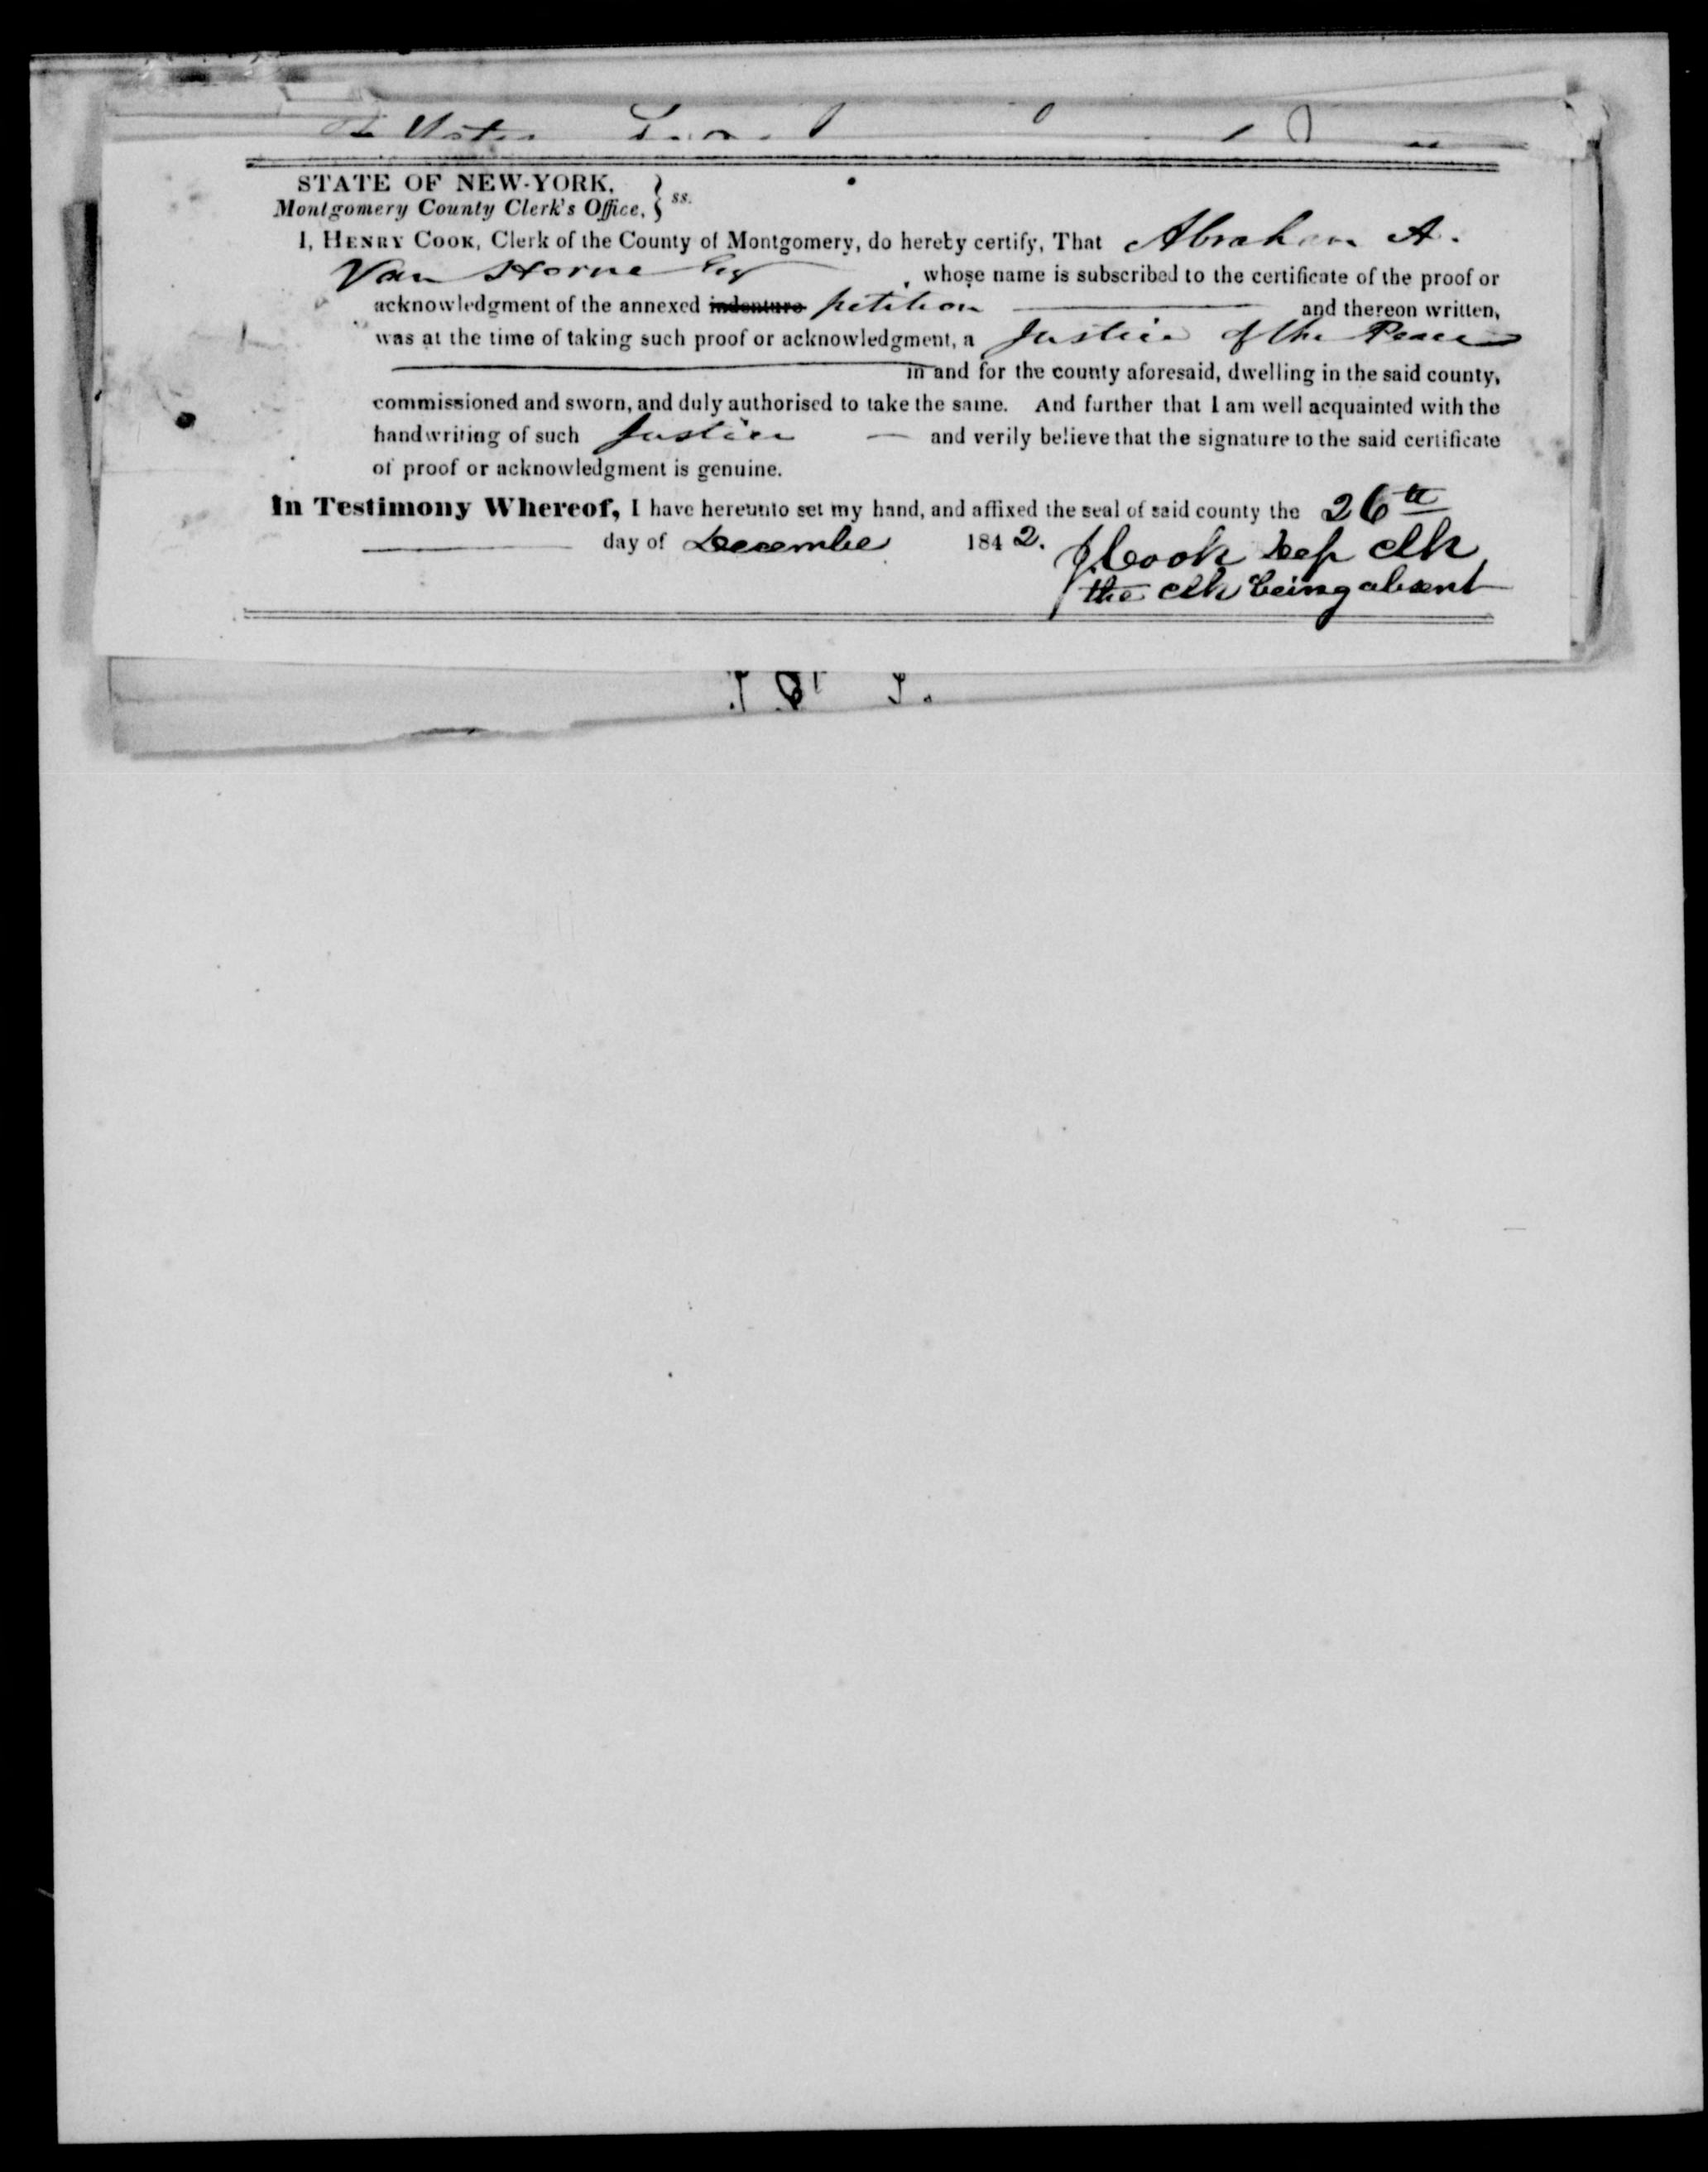STATE OF NEW-YORK.}
Montgomery County Clerk's Office,}  ss
I, HENRY COOK, Clerk of the County of Montgomery, do hereby certify, That Abraham A.
Van Horne Esq,
whose name is subscribed to the certificate of the proof or
acknowledgment of the annexed  petition-- and thereon written,
was at the time of taking such proof or acknowledgment, a Justice of the Peace---
in and for the county aforesaid, dwelling in the said county,
commissioned and sworn, and duly authorised to take the same. And further that I am well acquainted with the
handwriting of such Justice-- and verily believe that the signature to the said certificate
of proof or acknowledgment is genuine.
In Testimony Whereof, I have hereunto set my hand, and affixed the seal of said county the 26th---
day of December  1842.

H. Cook [illegible] clk
the clk being about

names: Henry Cook, Abraham A Van Horne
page: 45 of 51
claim: widow's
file: W. 19604, Myndert B Wemple, New York